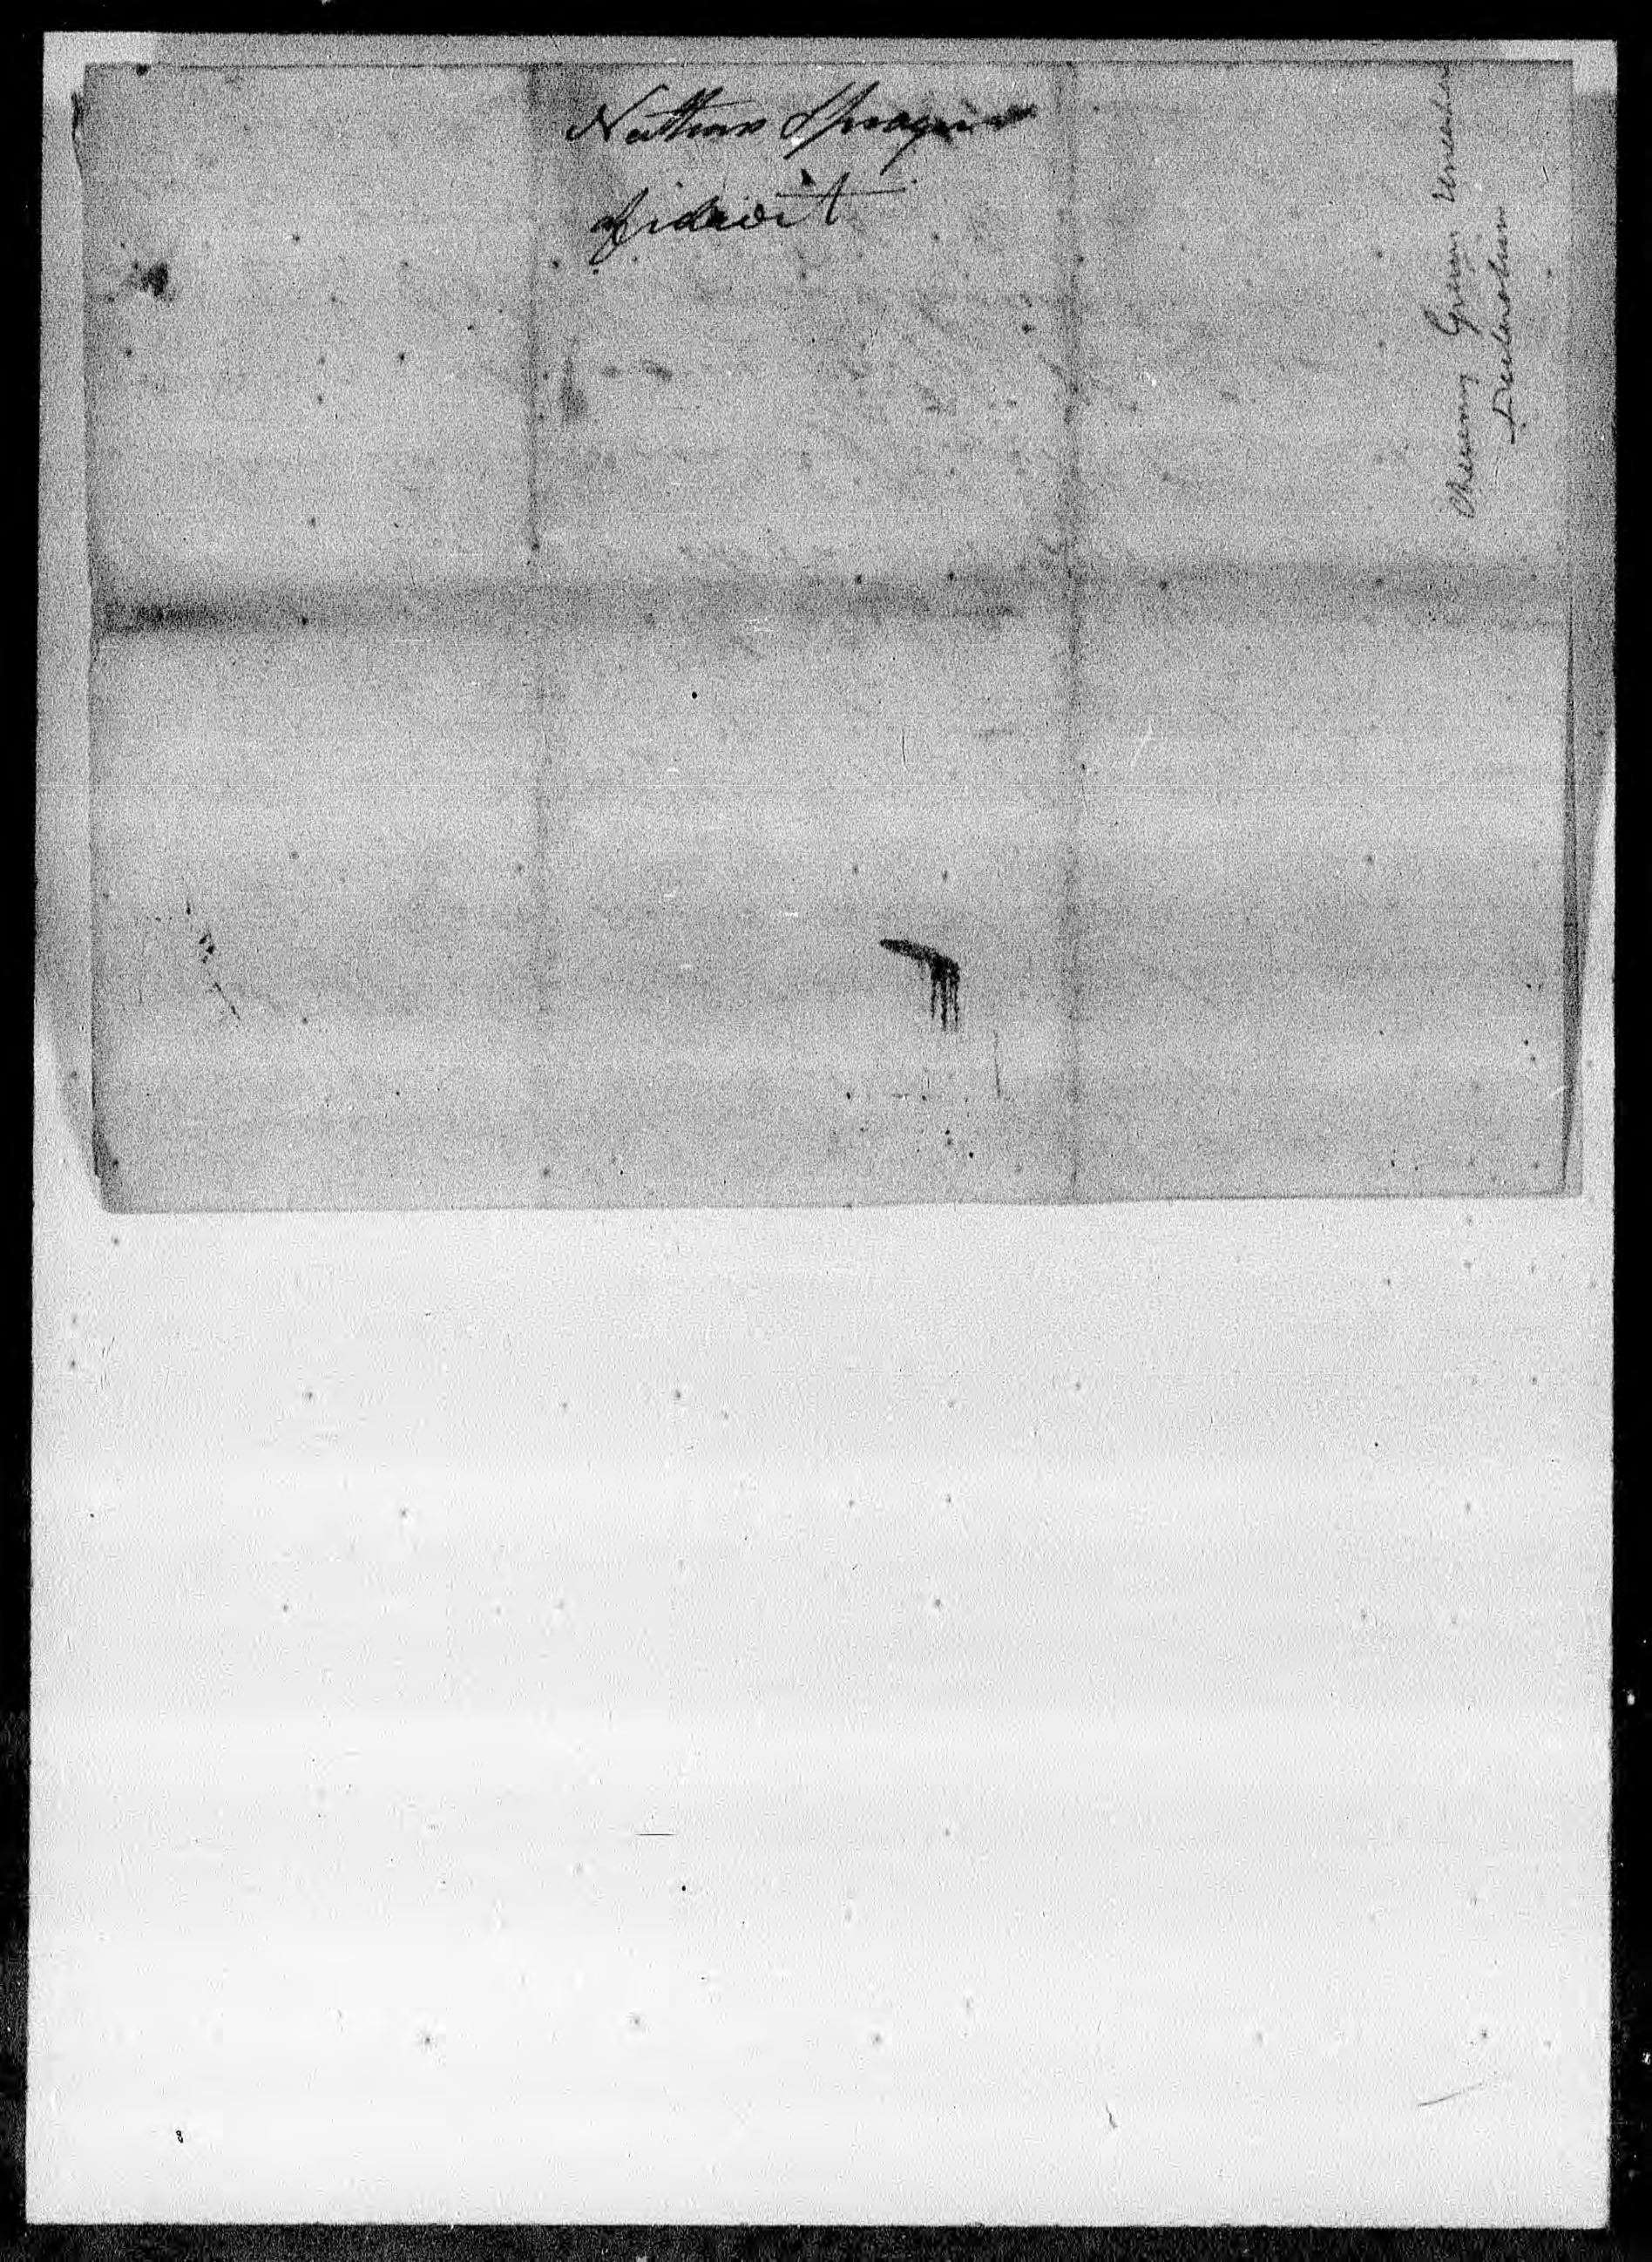Nathan Sprague
affidavit
Chauncy Graves 
Underhill
Declaration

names: Nathan Sprague, Chauncey Graves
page: 22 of 24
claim: survivor's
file: S. 15869, Chauncey Graves, Vt.